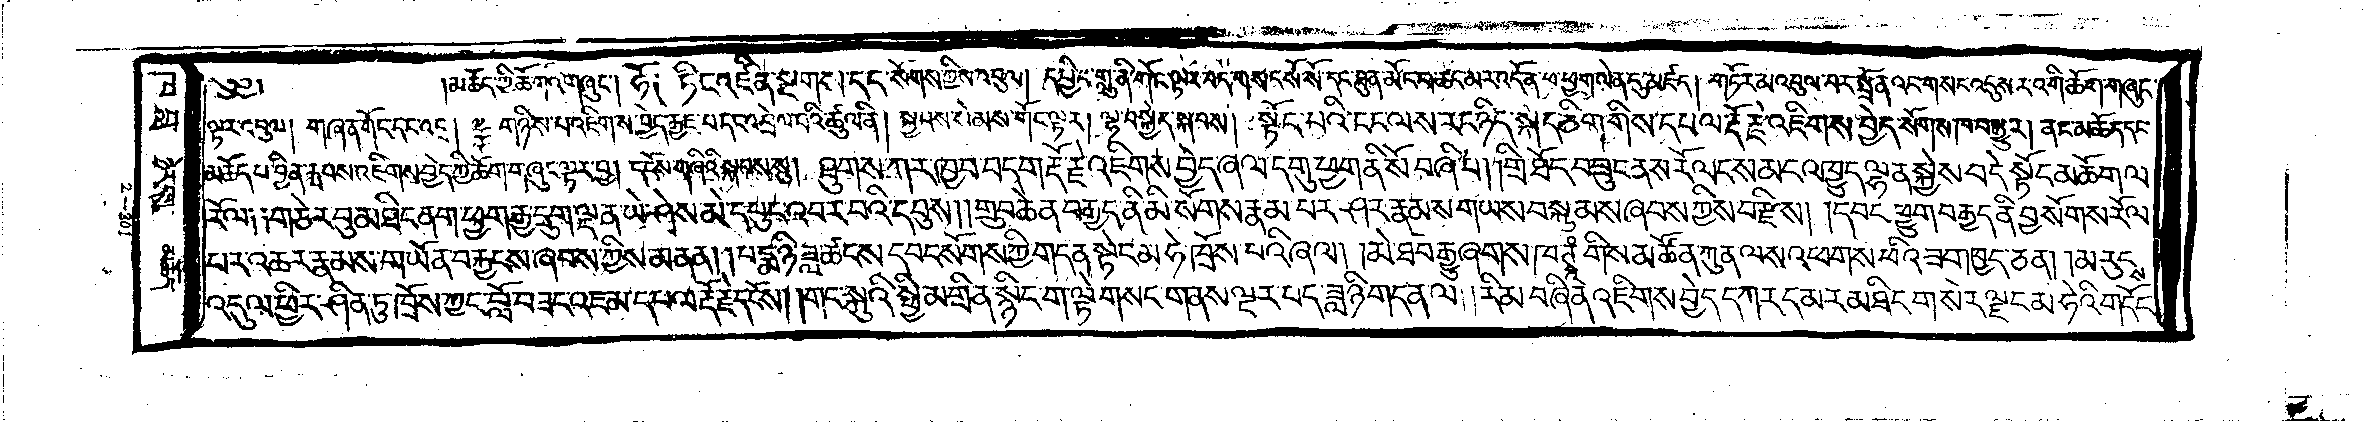༄༅། །མཆོད་ཀྱི་ཆོ་གའི་གཞུང་།  ཧོ༑ ཏིང་འཛིན་སྔགས་དང་སོགས་ཀྱིས་འབུལ། དཔྱིད་གླུ་ནི་གོང་ལྟར་བད་གསང་སོ་སོ་དང་ཐུན་མོང་བ་ཚང་མར་འདོན་ཕ་ཕྱག་ལེན་དུ་མཛད། གཏོར་མ་འབུལ་བར་སྤྲོན་འང་གསང་འདུས་ར་འགི་ཆོག་གཞུང་
ལྟར་འབུལ། གཞན་གོང་དང་འདྲ། ༈ གཉིས་པ་འཇིགས་བྱེད་རྒྱང་པ་དང་འབྲེལ་པའི་ཚུལ་ནི། སྐྱབས་སེམས་གོང་ལྟར། ལྷ་བསྐྱེད་སྐབས། སྟོང་པའི་ངང་ལས་རང་ཉིད་སྐད་ཅིག་གིས་དཔལ་རྡོ་རྗེ་འཇིགས་བྱེད་སོགས་ཁ་བསྒྱུར། ནང་མཆོད་དང་
མཆོད་པ་བྱིན་རླབས་འཇིགས་བྱེད་ཀྱི་ཆོག་གཞུང་ལྟར་བྱ། དངོས་གཞིའི་སྐབས་སུ། ཐུགས་ཀར་ཁྱབ་བདག་རྡོ་རྗེ་འཇིགས་བྱེད་ཞལ་དགུ་ཕྱག་ནི་སོ་བཞི་པ། །གྲི་ཐོད་བཟུང་ནས་རོ་ལངས་མང་འཁྱུད་ལྷན་སྐྱེས་བདེ་སྟོང་མཆོག་ལ་
རོལ༑ ༑གཅེར་བུ་མཐིང་ནག་ཕྱག་རྒྱ་དྲུག་ལྡན་ཡེ་ཤེས་མེ་དཔུང་འབར་བའི་དབུས། །གྲུབ་ཆེན་བརྒྱད་ནི་མི་སོགས་རྣམ་པར་ཤར་རྣམས་གཡས་བསྐུམས་ཞབས་ཀྱིས་བརྫིས། །དབང་ཕྱུག་བརྒྱད་ནི་བྱ་སོགས་རོལ་
པར་འཆར་རྣམས་གཡོན་བརྐྱངས་ཞབས་ཀྱིས་མནན། །པདམ་ཉི་ཟླ་ཚངས་དབང་སོགས་ཀྱི་གདན་སྟེང་མ་ཧེ་ཁྲོས་པའི་ཞལ། །མེ་ཐབ་རྒྱུ་ཞགས་ཁཊཱཾ་གིས་མཚོན་ཀུན་ལས་འཕགས་ཕའི་ཟག་ཁྱད་ཅན། །མ་རུངས་
འདུལ་ཕྱིར་ཤིན་ཏུ་ཁྲོས་ཀྱང་བློ་བཟང་འཇམ་དཔལ་རྡོ་རྗེ་དངོས། །གང་སྐུའི་སྥྱི་མགྲིན་སྙིང་ག་ལྟེ་གསང་གནས་ལྡེར་པདམ་ཟླ་ཉི་གདན་ལ། །རིམ་བཞིན་འཇིགས་བྱེད་དཀར་དམར་མཐིང་གསེར་ལྗང་མྷེའི་གདོང་